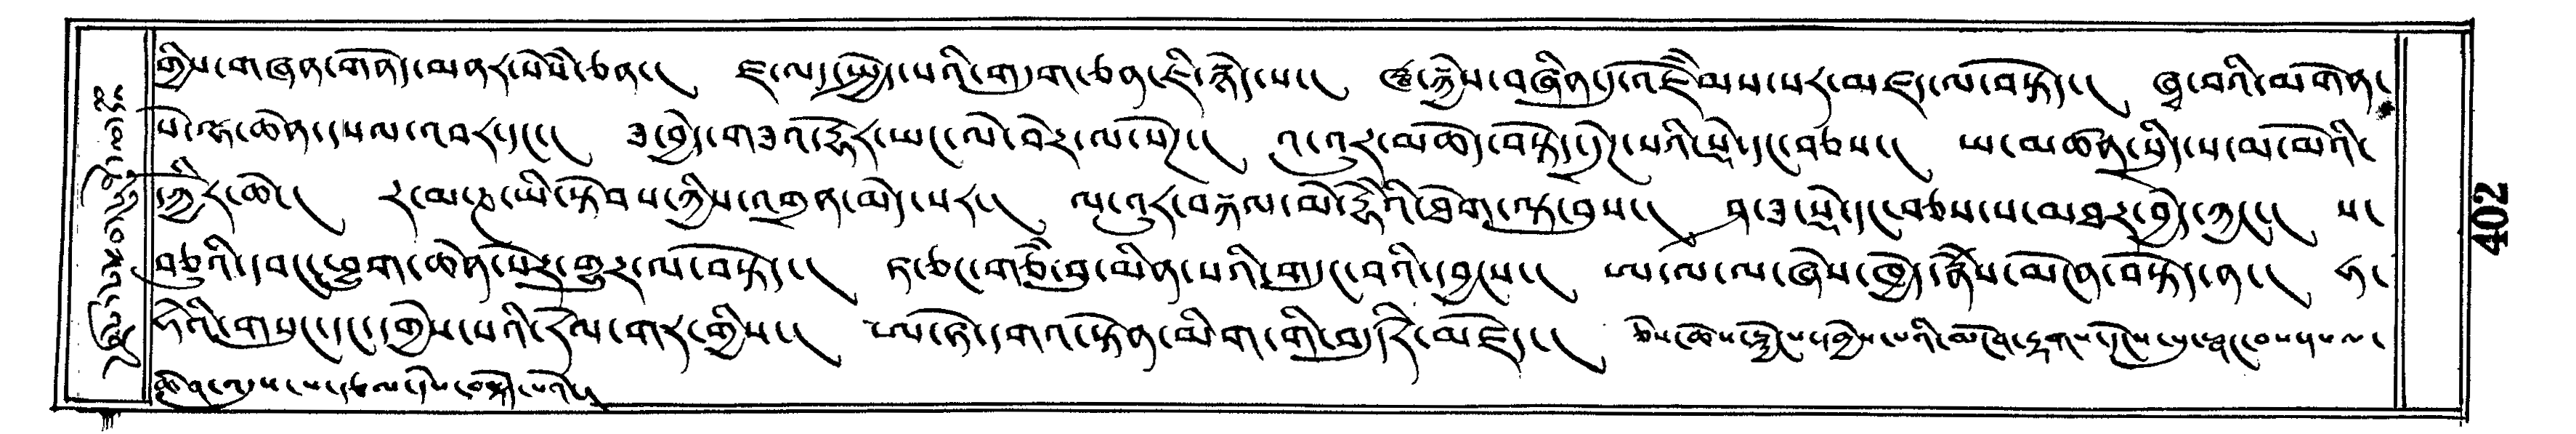གྱིས་གཞན་གནོད་མནར་སེམས་ཅན། །ཛ་ལང་སྤྱོད་པའི་གདུག་ཅན་ཇི་སྙེད་པ། །ཝ་སྐྱེས་བཞིན་དུ་འཇོམས་པར་མཛད་ལ་བསྟོད། །ཞྭ་ཡི་མགོན་
པོ་ལྷ་ཆེན་དཔལ་འབར་དང། །ཟ་བྱེད་གཟའ་རྡོར་ཡང་ལེ་བེར་ལ་སོགས། །འ་འུར་མཆོད་བསྟོད་དྲེགས་པའི་སྡེ་དང་བཅས། །ཡ་མཚན་སྲིད་པ་མ་མོའི་
དཀྱིལ་འཁོར་ཆེ། །ར་མ་ཎ་ཡི་སྟོབས་ཀྱིས་འགྲན་མེད་པར། །ལ་འུར་བསྐལ་མེ་རྡོ་རྗེའི་ཐོག་ལྟ་བུས། །ཤ་ཟ་སྡེ་དང་བཅས་པ་མཐར་བྱེད་ཀྱང། །ས་
བཅུའི་དབང་ཕྱུག་ཆེན་པོར་གྱུར་ལ་བསྟོད། །ཧ་ཅང་གཅམ་བུ་མིན་པའི་གདུང་བའི་དབྱངས། །ཨ་ལ་ལ་ཞེས་ཁྱེད་རྣམས་མངོན་བསྟོད་ན། །ཧ་
ཧེའི་གསུང་དང་དགྱེས་པའི་རོལ་གར་གྱིས། །ཨ་ཧོ་དགའ་སྟོན་མིག་གི་བདུད་རྩིར་མཛོད། ཅེས་ཆོས་སྐྱོང་དགྱེས་པའི་མངོན་རྟགས་དངོས་སུ་སྣང་བས་
དཔལ་ཆེན་འདུས་པ་རྩལ་དེས་བསྟོད་པའོ།། བཀྲ་ཤིས།།